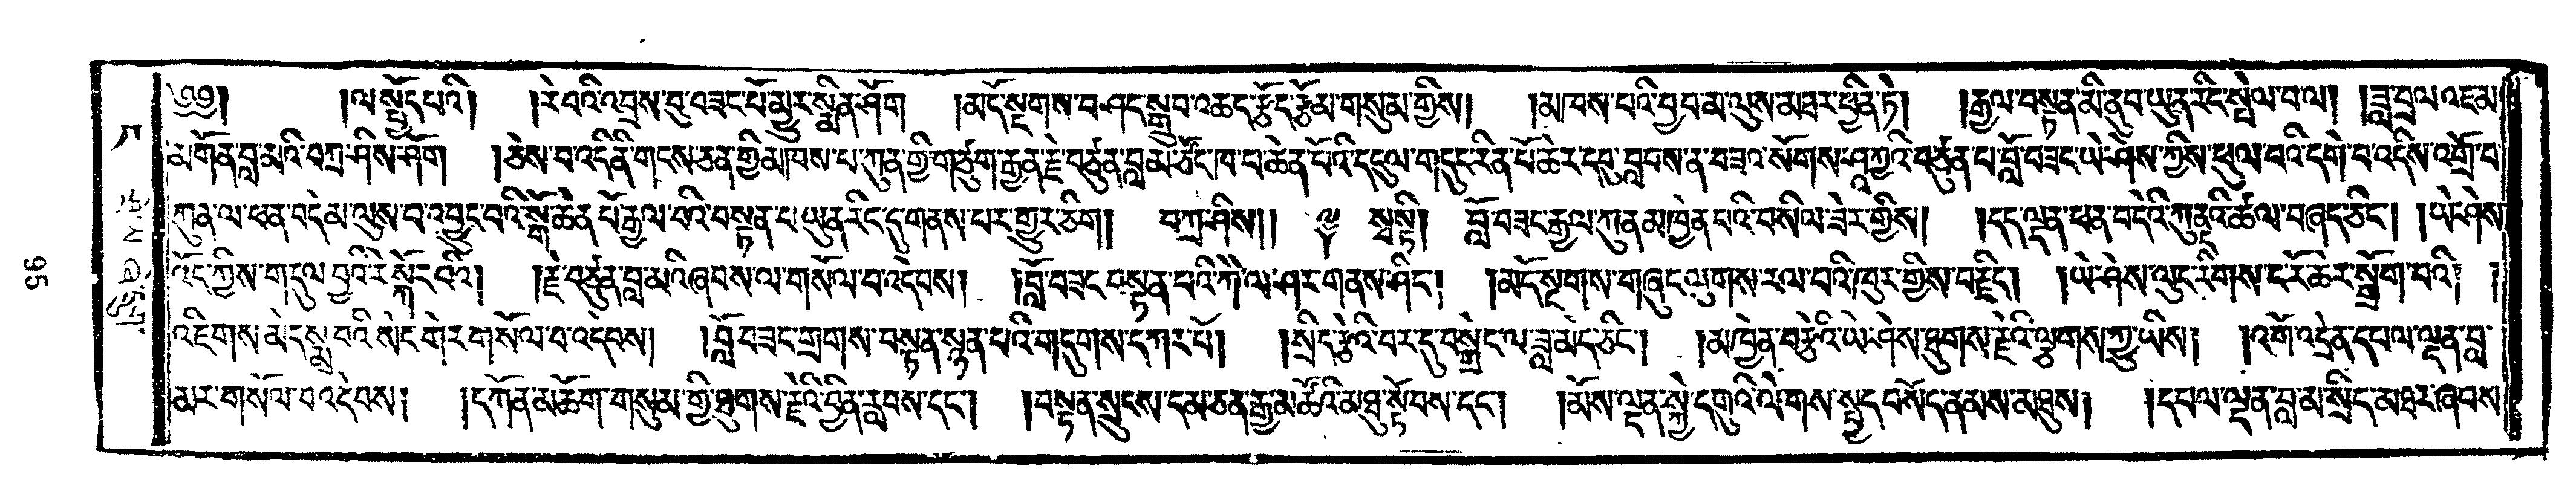༄༅། །ལ་སྤྱོད་པའི། །རེ་བའི་འབྲས་བུ་བཟང་པོ་མྱུར་སྨིན་ཤོག །མདོ་སྔགས་བཤད་སྒྲུབ་འཆད་རྩོད་རྩོམ་གསུམ་གྱིས། །མཁས་པའི་བྱ་བ་མ་ལུས་མཐར་ཕྱིན་ཏེ། །རྒྱལ་བསྟན་མི་ནུབ་ཡུན་རིང་སྤེལ་བ་ལ། །ཟླ་བྲལ་འཇམ་
མགོན་བླ་མའི་བཀྲ་ཤིས་ཤོག །ཅེས་བ་འདི་ནི་གངས་ཅན་གྱི་མཁས་པ་ཀུན་གྱི་གཙུག་རྒྱན་རྗེ་བཙུན་བླ་མ་ཙོང་ཁ་པ་ཆེན་པོའི་དངུལ་གདུང་རིན་པོ་ཆེར་དབུ་བླབས་ན་བཟའ་སོགས་ཤཱཀྱའི་བཙུན་པ་བློ་བཟང་ཡེ་ཤེས་ཀྱིས་ཕུལ་བའི་དགེ་བ་འདིས་འགྲོ་བ་
ཀུན་ལ་ཕན་བདེ་མ་ལུས་བ་འབྱུང་བའི་སྒོ་ཆེན་པོ་རྒྱལ་བའི་བསྟན་པ་ཡུན་རིང་དུ་གནས་པར་གྱུར་ཅིག། བཀྲ་ཤིས།། ༈ སྭསྟི། བློ་བཟང་རྒྱལ་ཀུན་མཁྱེན་པའི་བསིལ་ཟེར་གྱིས། །དད་ལྡན་ཕན་བདེའི་ཀུནྡའི་ཚལ་བཞད་ཅིང་། །ཡེ་ཤེས་
འོད་ཀྱིས་གདུལ་བྱའི་རེ་སྐོར་བའི། །རྗེ་བཙུན་བླ་མའི་ཞབས་ལ་གསོལ་བ་འདེབས། །བློ་བཟང་བསྟན་པའི་ཀཻ་ལ་ཤར་གནས་ཤིང་། །མདོ་སྔགས་གཞུང་ལུགས་རལ་བའི་ཁུར་གྱིས་བརྗིད། །ཡེ་ཤེས་ལུང་རིགས་ང་རོ་ཆེར་སྒྲོག་བའི། །
འཇིགས་མེད་སྨྲ་བའི་སེང་གེར་གསོལ་བ་འདེབས། །བློ་བཟང་གྲགས་བསྟན་སྙན་པའི་གདུགས་དཀར་པོ། །སྲིད་རྩེའི་བར་དུ་བསྒྲེང་ལ་ཟླ་མེད་ཅིང་། །མཁྱེན་བརྩེའི་ཡེ་ཤེས་ཐུགས་རྗེའི་ལྕགས་ཀྱུ་ཡིས། །འགོ་འདྲེན་དཔལ་ལྡན་བླ་
མར་གསོལ་བ་འདེབས། །དཀོན་མཆོག་གསུམ་གྱི་ཐུགས་རྗེའི་བྱིན་རླབས་དང་། །བསྟན་སྲུངས་དམ་ཅན་རྒྱ་མཚོའི་མཐུ་སྟོབས་དང་། །མོས་ལྡན་སྐྱེ་དགུའི་ལེགས་སྤྱད་བསོད་ནམས་མཐུས། །དཔལ་ལྡན་བླ་མ་སྲིད་མཐར་ཞབས་